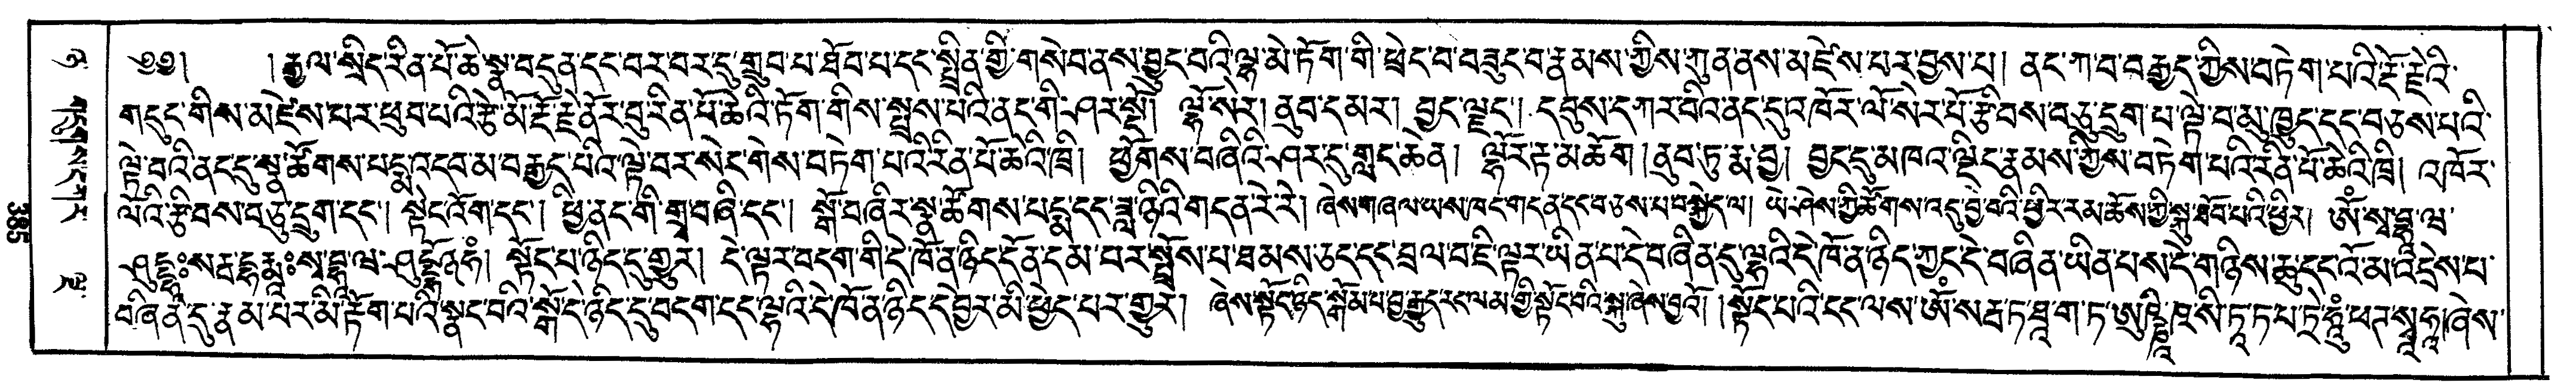༄༅། །རྒྱལ་སྲིད་རིན་པོ་ཆེ་སྣ་བདུན་དང་བར་བར་དུ་གྲུབ་པ་ཐོབ་པ་དང་སྤྲིན་གྱི་གསེབ་ནས་བྱུང་བའི་ལྷ་མེ་ཏོག་གི་ཕྲེང་བ་བཟུང་བ་རྣམས་ཀྱིས་ཀུན་ནས་མཛེས་བར་བྱས་པ། ནང་ཀ་བ་བརྒྱད་ཀྱིས་བཏེག་པའི་རྡོ་རྗེའི་
གདུང་གིས་མཛེས་པར་ཕུབ་པའི་རྩེ་མོ་རྡོ་རྗེ་ནོར་བུ་རིན་པོ་ཆེའི་ཏོག་གིས་སྤྲས་པའི་ནང་གི་ཤར་སྔོ། ལྷོ་སེར། ནུབ་དམར། བྱང་ལྗང་། དབུས་དཀར་པའི་ནང་དུ་འཁོར་ལོ་སེར་པོ་རྩིབས་བཅུ་དྲུག་པ་ལྟེ་བ་མུ་ཁྱུད་དང་བཅས་པའི་
ལྟེ་བའི་ནང་དུ་སྣ་ཚོགས་པདམ་འདབ་མ་བརྒྱད་པའི་ལྟེ་བར་སེང་གེས་བཏེག་པའི་རིན་པོ་ཆེའི་ཁྲི། ཕྱོགས་བཞིའི་ཤར་དུ་གླང་ཆེན། ལྷོར་རྟ་མཆོག །ནུབ་ཏུ་རྨ་བྱ། བྱང་དུ་མཁའ་ལྡིང་རྣམས་ཀྱིས་བཏེག་པའི་རིན་པོ་ཆེའི་ཁྲི། འཁོར་
ལོའི་རྩིབས་བཅུ་དྲུག་དང་། སྟེང་འོག་དང་། ཕྱི་ནང་གི་གྲྭ་བཞི་དང་། སྒོ་བཞིར་སྣ་ཚོགས་པདམ་དང་ཟླ་ཉིའི་གདན་རེ་རེ། ཞེས་གཞལ་ཡས་ཁང་གདན་དང་བཅས་པ་བསྐྱེད་ལ། ཡེ་ཤེས་ཀྱི་ཚོགས་འདུ་བྱ་བའི་ཕྱིར་རམ་ཆོས་ཀྱི་སྐུ་ཐོབ་པའི་ཕྱིར།  ཨོཾ་སྭ་བྷཱ་ཝ་
ཤུདྡྷཱཿསརྦ་དྷརྨཱཿསྭ་བྷཱ་ཝ་ཤུདྡྷོཉཧཾ། སྟོང་པ་ཉིད་དུ་གྱུར། དེ་ལྟར་བདག་གི་དེ་ཁོ་ན་ཉིད་དོན་དམ་པར་སྤྲོས་པ་ཐམས་ཅད་དང་བྲལ་བ་ཇི་ལྟར་ཡིན་པ་དེ་བཞིན་དུ་ལྷའི་དེ་ཁོ་ན་ཉིད་ཀྱང་དེ་བཞིན་ཡིན་པས་དེ་གཉིས་ཆུ་དང་འོ་མའི་འདྲེས་པ།
བཞིན་དུ་རྣམ་པར་མི་རྟོག་པའི་སྣང་བའི་སྒོ་དེ་ཉིད་དུ་བདག་དང་ལྟའི་དེ་ཁོ་ན་ཉིད་དབྱེར་མི་ཕྱེད་པར་གྱུར། ཞེས་སྟོང་ཉིད་སྒོམ་བ་བྱ་རྒྱུད་རང་ལམ་གྱི་སྟོང་པའི་སྐུ་ཞེས་བྱའོ། །སྟོང་པའི་ངང་ལས་ཨོཾ་སརྦ་ཏ་ཐཱ་ག་ཏ་ཨུཥྞཱི་ཥི་སི་ཏཱ་ཏ་བ་ཏྲེ་ཧཱུཾ་ཕཊ་སྭཱཧཱ། ཞེས་